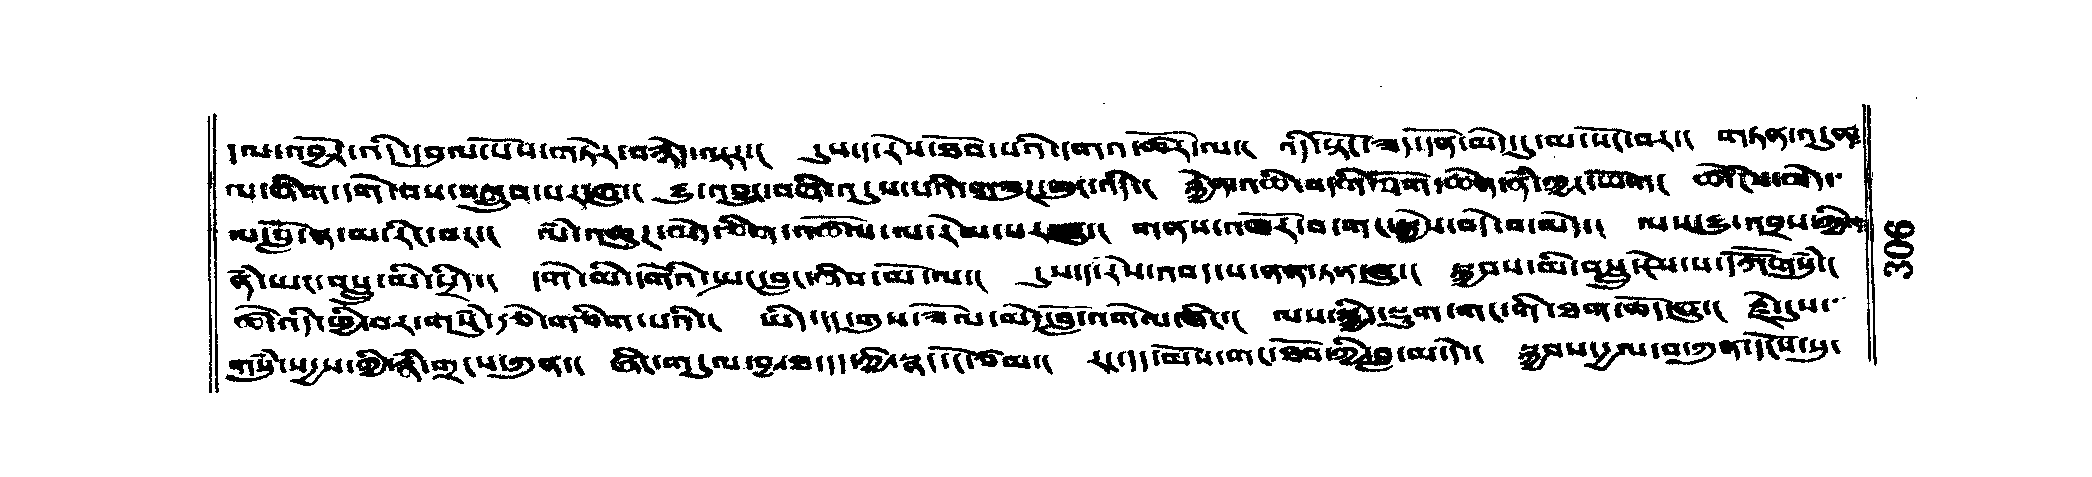དལ་འབྱོར་འདི་དབུལ་པོས་གཏེར་བརྙེད་ལྟར། །དུས་ད་རེས་ཐོབ་པའི་དགའ་ཚོར་ལ། །འདི་སྟོང་ཟད་དོན་མེད་དུ་མ་སོང་བར། །གཏན་འདུན་
མ་ཞིག་དགེ་བས་བསྒྲུབ་པར་ཞུ། །རྒྱུ་འབྱུང་བཞི་འདུས་པའི་གཟུགས་ཕུང་འདི། །རྐྱེན་འཆི་བདག་གི་ཐོག་ཆེན་ནམ་ཀྱང་ཕོག །ཚེ་ངེས་མེད་
ལ་བློ་ན་མ་རིང་བར། །ལམ་འཆུགས་མེད་ཅིག་འཚོལ་ལ་རེམ་པར་ཞུ། །གནས་འཁོར་བ་གང་སྐྱེས་བདེ་བ་མེད། །ལས་རྒྱུ་འབྲས་ཀྱི་
ནམ་ཡང་བསླུ་མི་སྲིད། །དགེ་མི་དགེའི་སྤང་བླང་ཞིབ་མོ་ལ། །དུས་ད་རེས་འབད་པ་ནན་ཏན་ཞུ། །སྐྱབས་མི་བསླུ་ངེས་པ་དཀོན་མཆོག་གསུམ། །
ཚེ་འདི་ཕྱི་བར་གསུམ་རྩེ་གཅིག་པའི། །ཡིད་དད་གུས་ཟོལ་མེད་བློས་འགེལ་ཞིང་། །ལས་སྐྱིད་སྡུག་གང་གི་ཐག་ཆོད་ཞུ། །རྗེ་དུས་
གསུམ་སངས་རྒྱས་གྱི་རྣམ་གྲངས་ཀུན། །ཞིང་གདུལ་བྱ་ཐ་དད་ཀྱི་སྣང་ངོ་ཙམ། །རང་དད་མོས་གང་ཐོབ་ཀྱི་བླ་མ་དེ། །སྐྱབས་རྒྱལ་བ་ཀུན་དངོས་སུ་